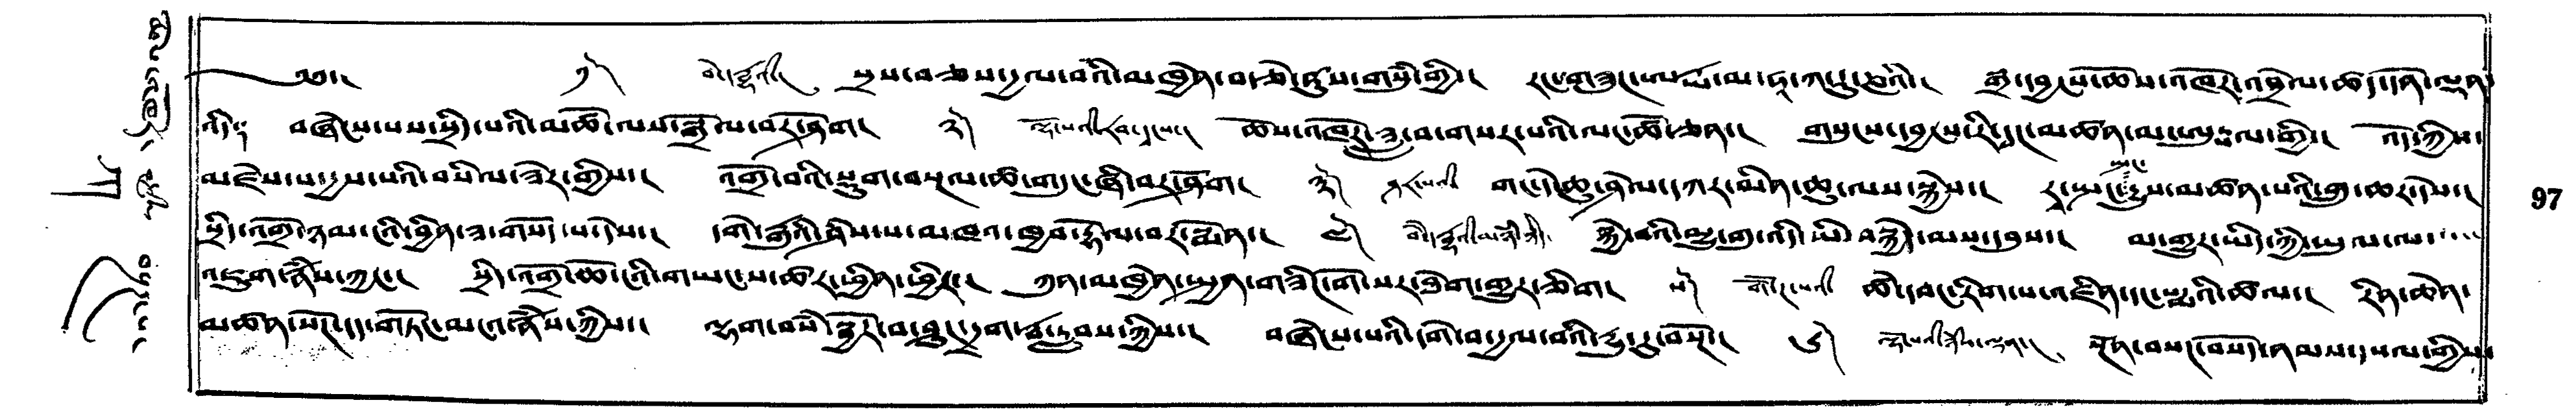༡༽ བེ་དརྦྷའི། སྲས་བཅས་རྒྱལ་བའི་མཁྱེན་བརྩེ་ནུས་གསུམ་གྱི། །རང་གཟུགས་ཨརྻ་མ་ཧཱ་ཀ་རུ་ཎའི། །སྒྲ་དབྱངས་ཆོས་འཁོར་འབྲེལ་ཚད་དོན་ལྡན་
འདི། །བཞེངས་པས་སྲིད་པའི་མཚོ་ལས་གྲོལ་བར་ཤོག ། ༢༽ ལྷོ་པའི་རབ་དྭངས། ཆོས་འཁོར་ཟླ་བ་གསར་པའི་ལང་ཚོ་ཅན། །གསུང་དབྱངས་རི་དྭགས་མཚན་མ་ཨུཏྤལ་གྱི། །འོད་ཀྱིས་
མཛེས་པ་རྒྱས་པའི་བསིལ་ཟེར་གྱིས། །འགྲོ་བའི་སྡུག་བསྔལ་ཚ་གདུང་ཞི་བར་ཤོག ། ༣༽ ཤར་པའི། གང་དེ་ཆུ་ཤེལ་དཀར་མིན་ཆུ་ལས་སྐྱེས། །རཱ་སྤང་སྤང་རྒྱུས་མཚན་པའི་གྲུ་ཆར་དེས། །
སྲིད་འགྲོ་ཉམ་ངའི་བྱིན་ཟ་གསོད་པ་དང་། །སྐྱེ་རྒུའི་ཤིས་པ་མཁའ་ཁྱབ་བརྡལ་བར་སྨོན། ། ༤༽ བཻ་དརྦྷའི་མཉམ་ཉིད། སྐྱེ་བའི་མྱུ་གུ་འདི་ཡི་བསྐྱེད་མས་དབུས། །མ་གྱུར་ཡིད་ཀྱི་ཡུལ་ལ་
འཇུག་རྣམས་ཀྱང་། །སྲིད་འགྲོ་ཆོ་ངའི་གཡང་ས་ཚར་ཕྱིན་ཕྱིར། །ཀུན་མཁྱེན་སྤྱན་གཟིགས་གོ་སར་ཐེགས་གྱུར་ཅིག ། ༥༽ གཽ་ཌཱ་་པའི། ཚེ་དབང་རིག་པ་འཛིན་དང་པདྨའི་ཚལ། །རིན་ཆེན་
མཚན་སོགས་དད་གཏོང་མངའ་རྣམས་ཀྱིས། །ལྷག་བསམ་སྦྱོར་བ་ཤུགས་དྲག་རྦ་རླབས་ཀྱིས། །བཞེངས་པའི་དགེ་བ་རྒྱལ་བའི་རྒྱུ་རུ་བསྔོ། ། ༦༽ ལྷོ་པའི་ཉམས་ལྡན། སྔོན་བསགས་བསོད་ནམས་དཔལ་གྱིས་